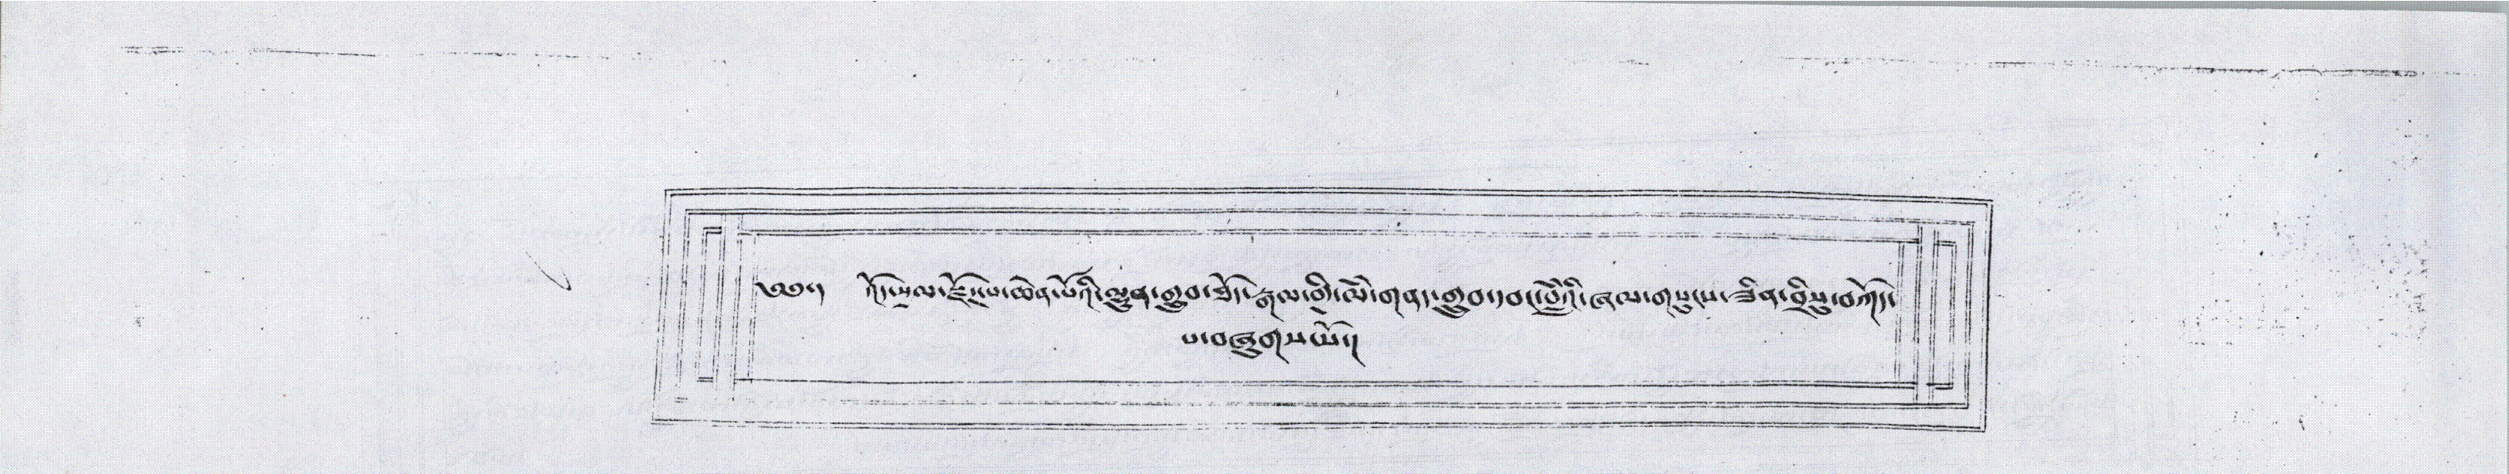ཐེག་མཆོག་རྫོགས་པ་ཆེན་པོའི་ལྷུན་གྲུབ་ཐོད་རྒལ་གྱི་ལམ་གནད་གྲུབ་དབང་བླ་མའི་ཞལ་གསུང་ཟིན་བྲིས་སུ་བཀོད་པ་བཞུགས་སོ།